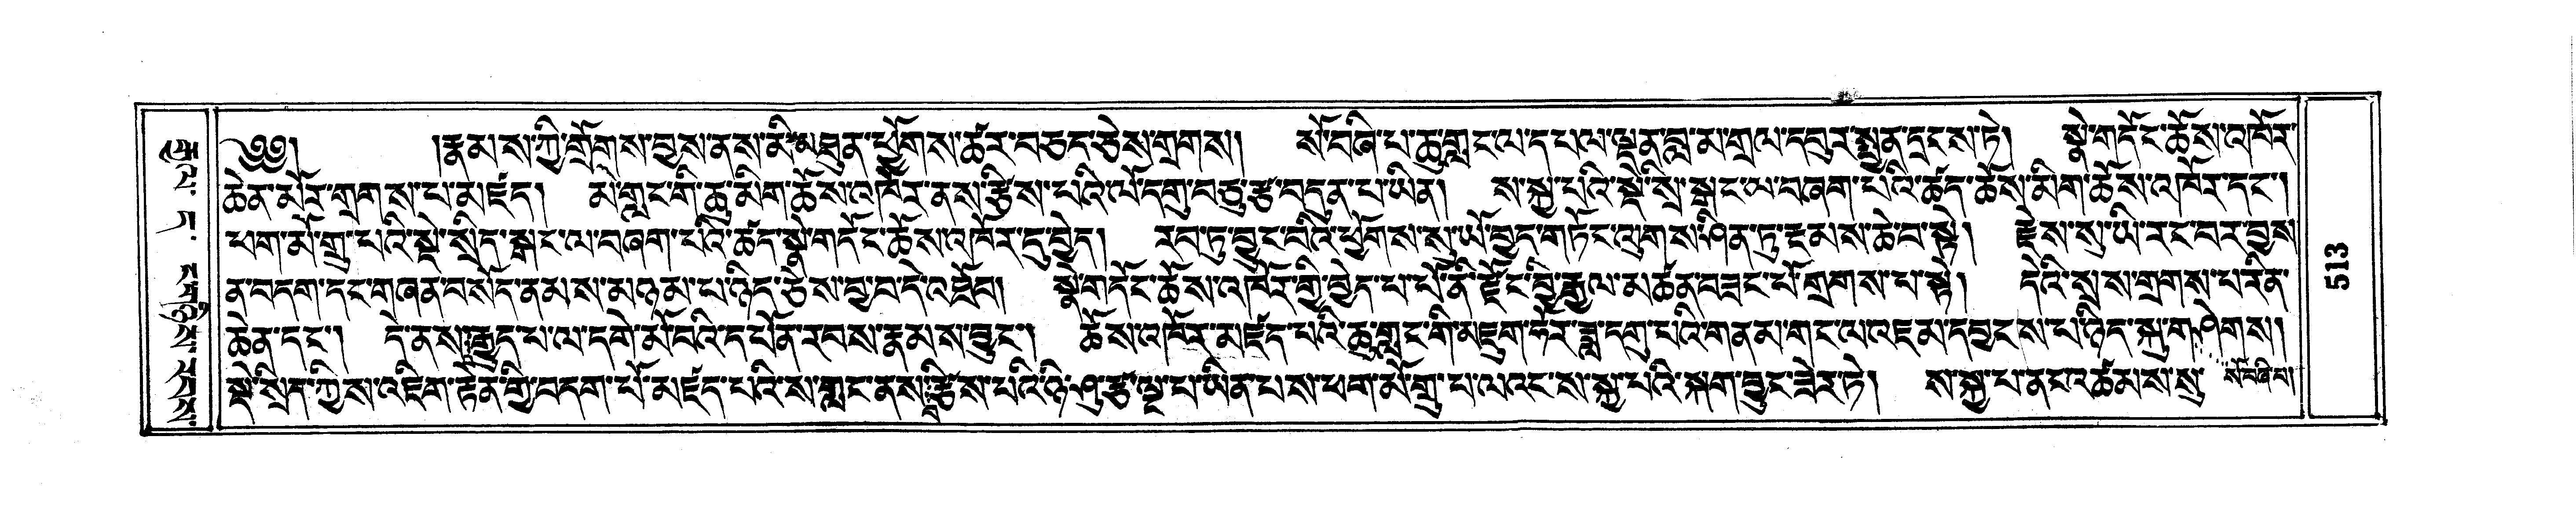༄༅། །རྣམས་ཀྱི་གྲོགས་བྱས་ནས་མི་མཐུན་ཕྱོགས་ཚར་བཅད་ཅེས་གྲགས། སོ་བཞི་པ་ཆུ་གླང་ལ་དཔལ་ལྡན་བླ་མ་གྲལ་དབུར་སྤྱན་དྲངས་ཏེ། སྣེ་གདོང་ཆོས་འཁོར་
ཆེན་མོར་གྲགས་པ་མཛད། མེ་གླང་གི་ཆུ་མིག་ཆོས་འཁོར་ནས་རྩིས་པའི་ལོ་དགུ་བཅུ་རྩ་བདུན་པ་ཡིན། ས་སྐྱ་པའི་སྡེ་སྲི་སྒང་ལ་བཞག་པའི་ཚད་ཆོས་མིག་ཆོས་འཁོར་དང་།
ཕག་མོ་གྲུ་པའི་སྡེ་སྲིད་སྒང་ལ་བཞག་པའི་ཚད་སྣེ་གདོང་ཆོས་འཁོར་དུ་བྱེད། རབ་ཏུ་བྱུང་བའི་ཕྱོགས་སུ་ཡོ་བྱད་གཏོང་ལུགས་ཤིན་ཏུ་རྔམས་ཆེ་བ་སྟེ། རྗེས་སུ་ཡི་རང་བར་བྱས་
ན་བདག་དང་གཞན་བསོད་ནམས་མཉམ་པ་ཉིད་ཅེས་བྱ་བ་དེ་འཐོབ། སྣེ་གདོང་ཆོས་འཁོར་གྱི་བྱེད་པ་པོ་ནི་རྫོང་བྱི་རྒྱལ་མཚན་བཟང་པོ་གྲགས་པ་སྟེ། དེའི་སྲས་གྲགས་པ་རིན་
ཆེན་དང་། དེ་ནས་བ་རྒྱུད་པ་ལ་དགེ་མོ་བའི་དཔོན་རབས་རྣམས་བྱུང་། ཆོས་འཁོར་མཛད་པའི་ཆུ་གླང་གི་མཇུག་ཧོར་ཟླ་དགུ་པའི་གནམ་གང་ལ་འཇམ་དབྱངས་པ་ཉིད་སྐུ་གཤེགས།
སྡེ་སྲིད་ཀྱིས་འཇིག་རྟེན་གྱི་བདག་པོ་མཛད་པའི་ས་གླང་ནས་བ་རྩིས་པའི་ཉི་ཤུ་རྩ་ལྔ་པ་ཡིན་པས་ཕག་མོ་གྲུ་པ་ལའང་ས་སྐྱ་པའི་སྐག་བྱུང་ཟེར་ཏེ། ས་སྐྱ་པ་ནང་འཚམས་སུ་སོ་བཞི་པ།